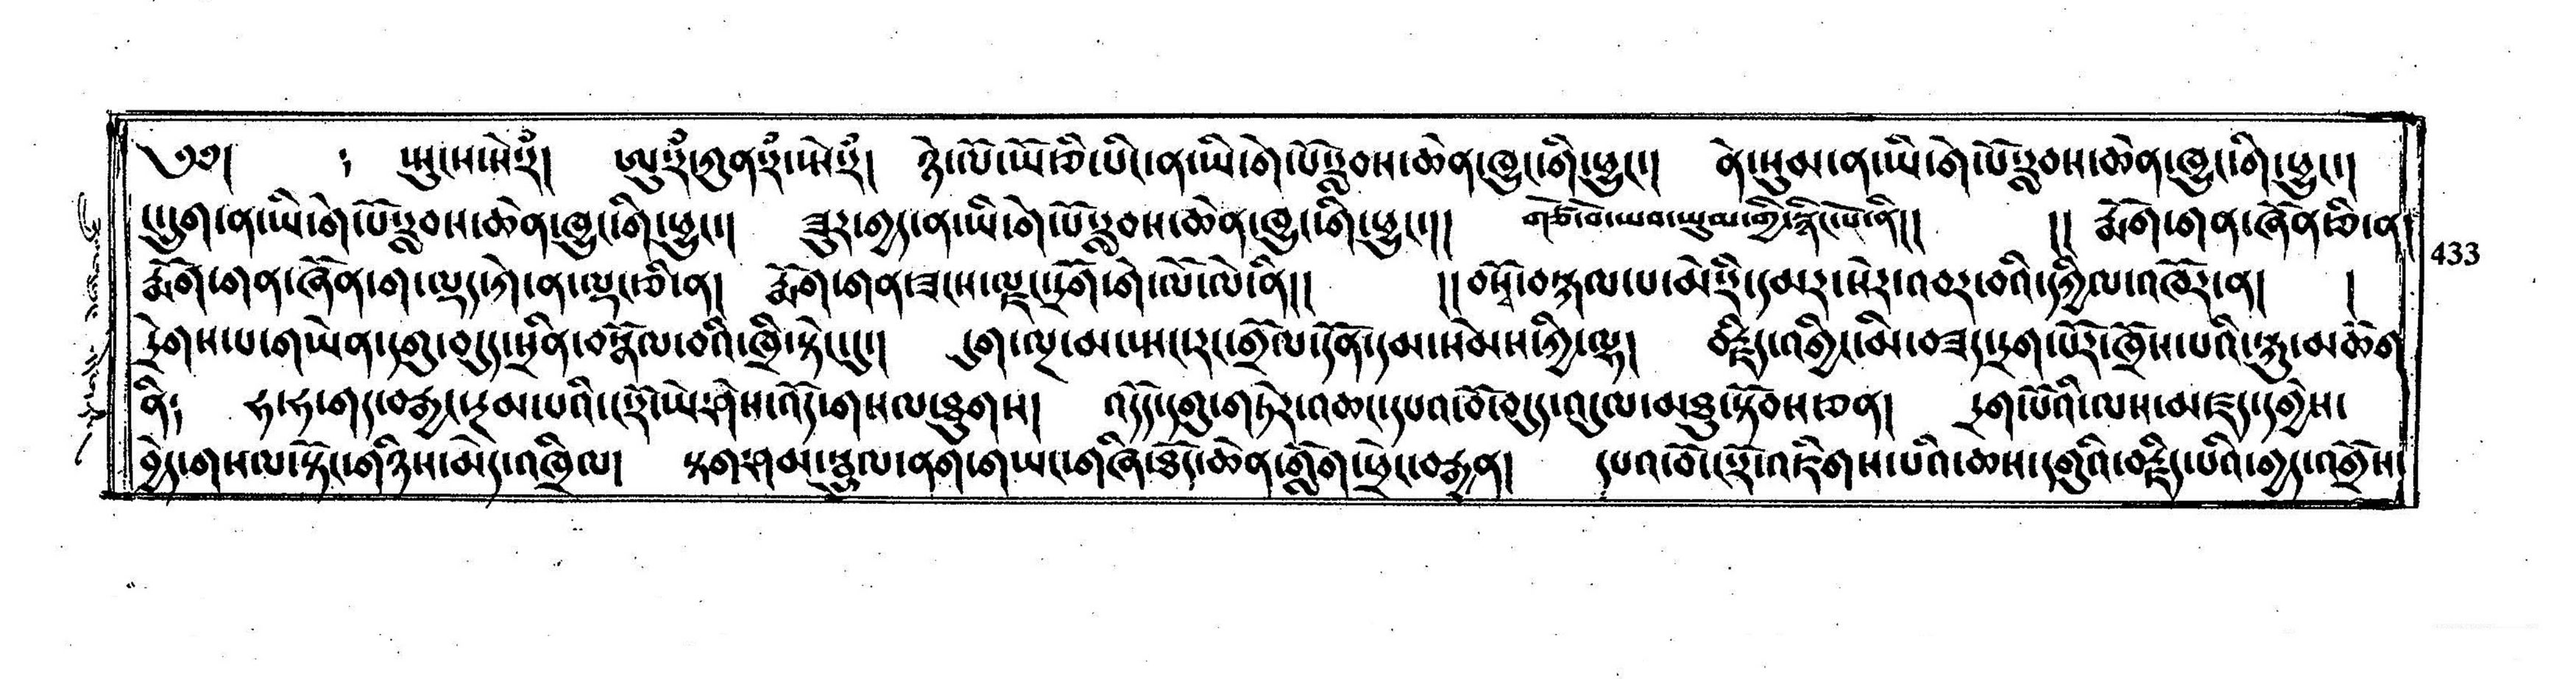སྤུངས་སེ་རཾ། ཨུ་རཾ་ཀུན་རཾ་སྤེ་རཾ། ཉེ་ལོ་ཡོ་ཅི་པིང་ན་ཡི་གེ་པོ་རླབས་ཆེན་ཁྱུང་གི་ཕྱུང་། ནེ་སུམ་ན་ཡི་གེ་པོ་རླབས་ཆེན་ཁྱུང་གི་ཕྱུང་། 
ང་དྲུག་ན་ཡི་གེ་པོ་རླབས་ཆེན་ཁྱུང་གི་ཕྱུང་། ཟུར་གྱད་ན་ཡི་གེ་པོ་རླབས་ཆེན་ཁྱུང་གི་ཕྱུང་།། གཙོ་བོ་ཡབ་ཡུམ་གྱི་སྙིང་པོ་ནི།། །།རྨོག་གན་ཞོན་ཅི་ན།། 
རྨོག་གན་ཞོན་ག་ལྡད་ཀེ་ན་ལྡང་ཅི་ན། རྨོག་གན་ཟངས་ལྗང་དྲོག་གེ་ལོ་ལེ་ནི།། །།བསྭོ་བསྐལ་པ་མེ་རི་དམར་སེར་འབར་བའི་དཀྱིལ་འཁོར་ན།
དྲེགས་པ་གཡེན་དགུ་བདུད་སྲིན་བསྣོལ་བའི་ཁྲི་སྟེང་དུ། དུག་ལྔ་མ་སྤང་རང་{446}གྲོལ་དོན་དམ་སེམས་ཀྱི་ལྷ། བརྗིད་འགྱིང་མི་བཟད་དྲག་པོར་ཁྲོས་པའི་སྐུ་མཆོག་
ནི། ཧ་ཧ་གད་རྒྱངས་རྔམ་པའི་ང་རོ་ཡེ་ཤེས་འོད་གསལ་ཐུགས། འདོད་དགུ་གཏེར་འཆང་དཔའ་བོ་བདུད་འདུལ་མཐུ་སྟོབས་ཅན། དྲག་པོའི་ལས་མཛད་དགྱེས་
བྱེད་གསལ་སྟོང་གཉིས་མེད་འཁྲིལ། སྟག་ཤམ་སྦྲུལ་ནག་གཡང་གཞི་ཐོད་ཆེན་གློག་ཕྲེང་བརྒྱན། དཔའ་བོ་ང་རོ་འཇིགས་པའི་ཆས་དགུའི་བརྗིད་པའི་གྱད་འགྲོས་༼ནི༽།